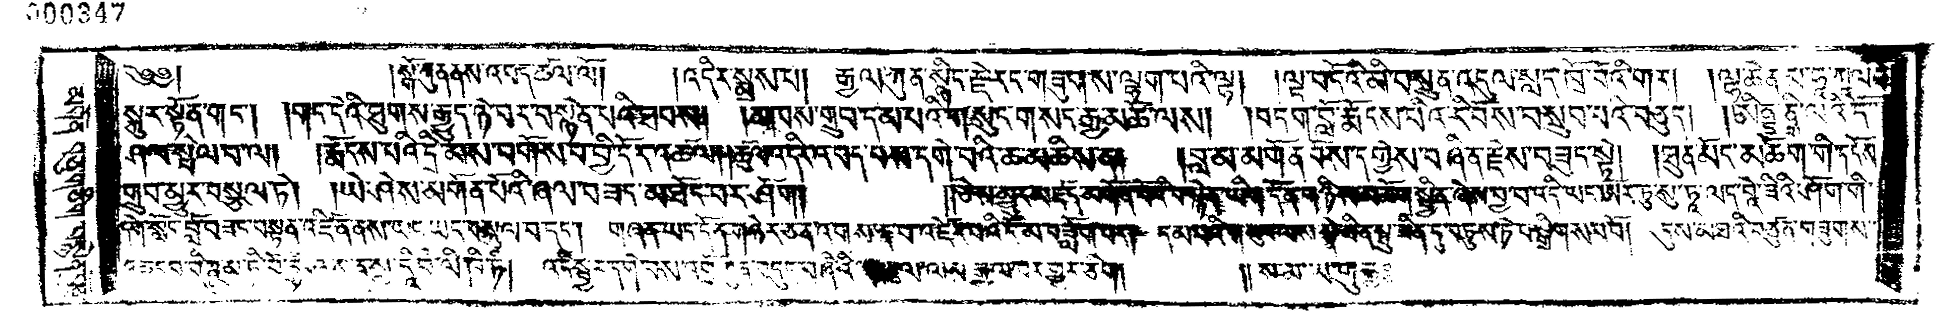༄༅། །སྒོ་ཀུན་ནས་འབད་ཚོལ་ལོ། །འདིར་སྨྲས་པ། རྒྱལ་ཀུན་སྙིང་རྗེ་རང་གཟུགས་ལྷག་པའི་ལྷ། །ལྔ་བདོའི་མི་བསྲུན་འདུལ་སླད་ཁྲོ་བོའི་གར། །ལྷ་ཆེན་མ་ཧཱ་ཀཱ་ལའི་
སྐུར་སྟོན་གང་། །གང་དེའི་ཐུགས་རྒྱུད་ཉེ་བར་བསྙེན་པའི་ཐབས། །མཁས་གྲུབ་དམ་པའི་གསུང་གསང་རྒྱ་མཚོ་ལས། །བདག་བློ་རྨོངས་པའི་རི་བོས་བསྲུབ་པའི་བཅུད། །ཨིནྡྲ་ནཱི་ལའི་དོ་
ཤལ་སྤེལ་བ་ལ། །རྨོངས་པའི་དྲི་མས་བགོས་པ་བྱི་དོར་འཚལ། །ཚུལ་འདིར་འབད་པས་དགེ་བའི་ཆ་མཆིས་ན། །བླ་མ་མགོན་པོས་དགྱེས་བཞིན་རྗེས་བཟུང་སྟེ། །ཐུན་མོང་མཆོག་གི་དངོས་
གྲུབ་མྱུར་བསྩལ་ཏེ། །ཡེ་ཤེས་མགོན་པོའི་ཞལ་བཟང་མཐོང་བར་ཤོག ། །།ཅེས་མྱུར་མཛད་མགོན་པོའི་བསྙེན་ཡིག་དོན་གཉིས་མཆོག་སྦྱིན་ཞེས་བྱ་བ་འདི་ཡང་ཨོར་ཏུ་སུ་ཏཱ་ལད་བE་ཟིའི་ཤོག་གི་
དགེ་སློང་བློ་བཟང་བསྟན་འཛིན་ནས་ཡང་ཡང་བསྐུལ་བ་དང་། གཞན་ཡང་དོན་གཉེར་ཅན་འགས་རྣ་བ་འཛེར་བའི་ངོ་མ་བཟློག་པར། དམ་པའི་གསུང་ལས་སྣེ་ཟིན་སྤུ་ཟིན་དུ་བཏུས་ཏེ་བསྒྲིགས་པ་བོ། དུས་མཐའི་བཙུན་གཟུགས་
འཆང་བ་བིཀྵུ་མ་ཏི་པོ་དྷི་ཤ་ས་ན་སྱ་དཱི་བཾ་ལི་ཁི་ཏཾ། འདི་སྦྱར་དགེ་བས་འགྲོ་ཀུན་བདུད་བཞིའི་གཡུལ་ལས་རྒྱལ་བར་གྱུར་ཅིག ། །།ས་མ་ཡ་གུ་ཧྱཿ